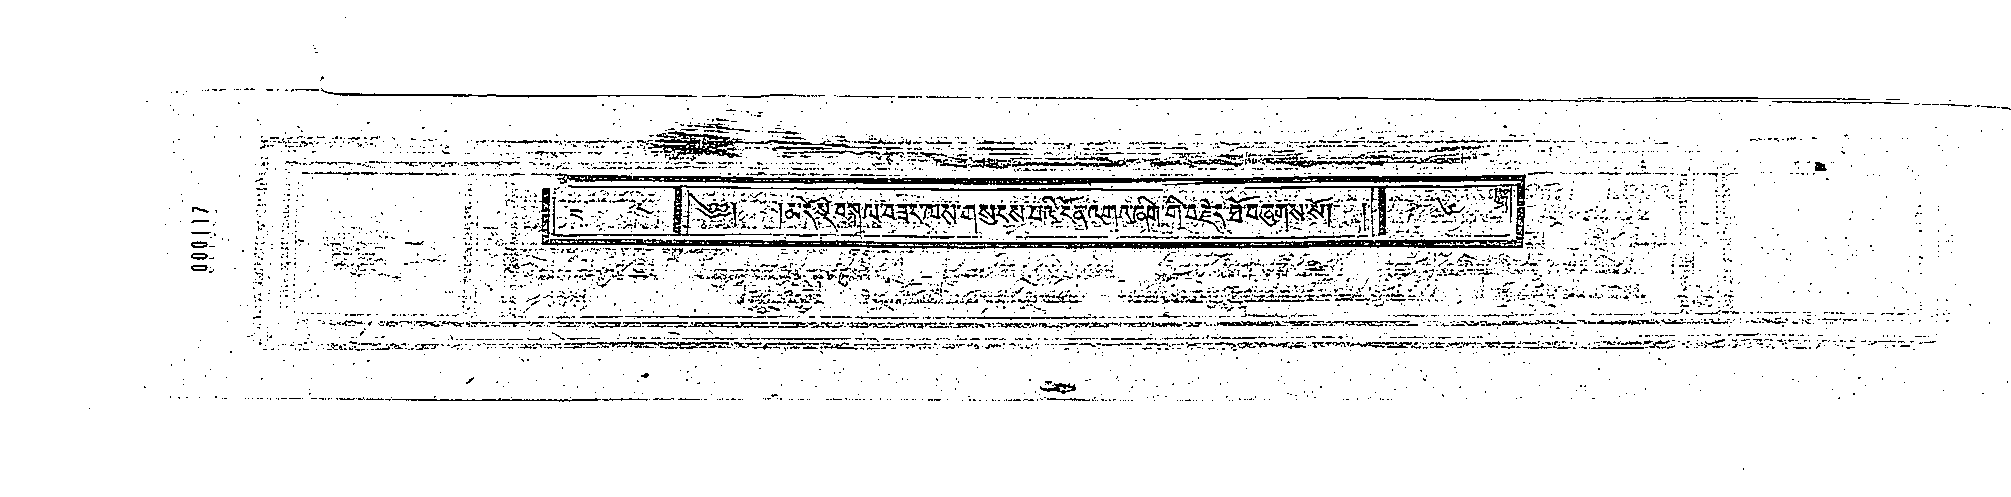ང༤?
༤་༄༅། །མདོ་སྡེ་བསྐལ་བཟང་ལས་གསུངས་པའི་དོན་འགའ་ཞིག་གི་བརྗེད་ཐོ་བཞུགས་སོ། ། ༦